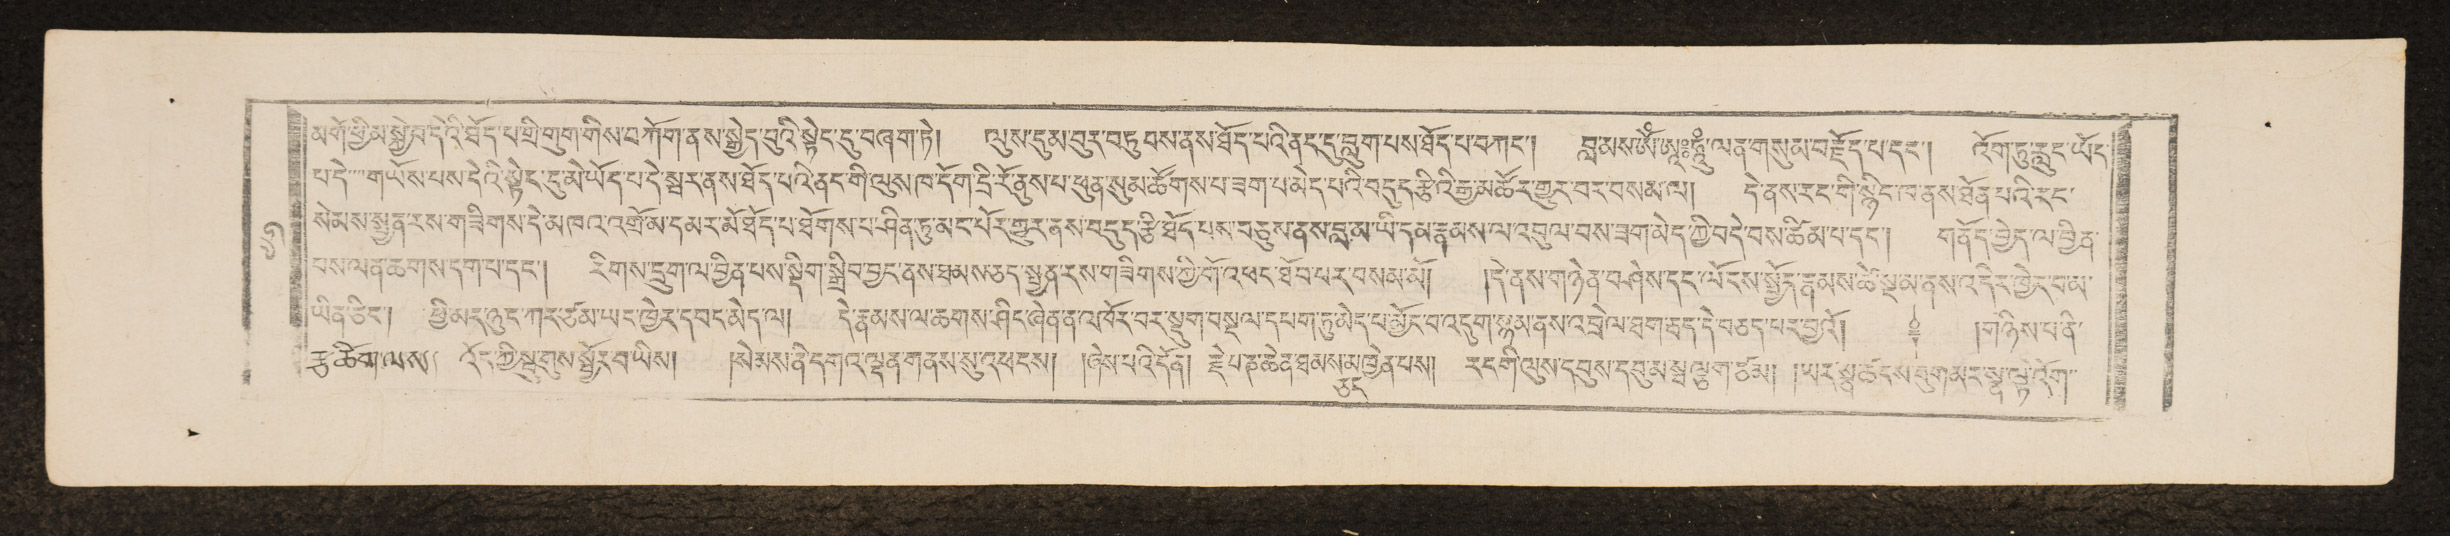མགོ་ཕྱི་མ་སྐྱེ་བ་དེའི་ཐོད་པ་གྲི་གུག་གིས་བཀོག་ནས་སྒྱེད་བུའི་སྟེང་དུ་བཞག་ཏེ། ལུས་དུམ་བུར་བཏུབས་ནས་ཐོད་པའི་ནང་དུ་བླུག་པས་ཐོད་པ་བཀང་། བླ་མས་ཨོཾ་ཨཱཿཧཱུཾ་ལན་གསུམ་བརྗོད་པ་དང་། འོག་ཏུ་རླུང་ཡོད་
པ་དེ་གཡོས་པས་དེའི་སྟེང་དུ་མེ་ཡོད་པ་དེ་སྦར་ནས་ཐོད་པའི་ནང་གི་ལུས་ཁ་དོག་དྲི་རོ་ནུས་པ་ཕུན་སུམ་ཚོགས་པ་ཟག་པ་མེད་པའི་བདུད་རྩིའི་རྒྱ་མཚོར་གྱུར་བར་བསམ་ལ། དེ་ནས་རང་གི་སྙིང་ཁ་ནས་ཐོན་པའི་རང་
སེམས་སྤྱན་རས་གཟིགས་དེ་མཁའ་འགྲོ་མ་དམར་མོ་ཐོད་པ་ཐོགས་པ་ཤིན་ཏུ་མང་པོར་གྱུར་ནས་བདུད་རྩི་ཐོད་པས་བཅུས་ནས་བླ་མ་ཡི་དམ་རྣམས་ལ་འབུལ་བས་ཟག་མེད་ཀྱི་བདེ་བས་ཚིམ་པ་དང་། གནོད་བྱེད་ལ་བྱིན་
བས་ལན་ཆགས་དག་པ་དང་། རིགས་དྲུག་ལ་བྱིན་པས་སྡིག་སྒྲིབ་བྱང་ནས་ཐམས་ཅད་སྤྱན་རས་གཟིགས་ཀྱི་གོ་འཕང་ཐོབ་པར་བསམ་མོ། །དེ་ནས་གཉེན་བཤེས་དང་ལོངས་སྤྱོད་རྣམས་ཚེ་སྔ་མ་ནས་འདིར་ཁྱེར་བ་མ་
ཡིན་ཅིང་། ཕྱི་མར་ཉུང་ཀར་ཙམ་ཡང་ཁྱེར་དབང་མེད་ལ། དེ་རྣམས་ལ་ཆགས་ཤིང་ཞེན་ན་འཁོར་བར་སྡུག་བསྔལ་དཔག་ཏུ་མེད་པ་མྱོང་བ་འདུག་སྙམ་ནས་འབྲེལ་ཐག་རྦད་དེ་བཅད་པར་བྱའོ། ༈ །གཉིས་པ་ནི་
རྩ་ཚིག་ལས། འོད་ཀྱི་སྦུ་གུས་སྦྱོར་བ་ཡིས། །སེམས་ནི་དགའ་ལྡན་གནས་སུ་འཕངས། །ཞེས་པའི་དོན། རྗེ་པཎ་ཆེན་ཐམས་ཅད་མཁྱེན་པས། རང་གི་ལུས་དབུས་དབུ་མ་སྦ་ལྕག་ཙམ། །ཡར་སྣ་ཚངས་བུག་མར་སྣ་ལྟེ་འོག་